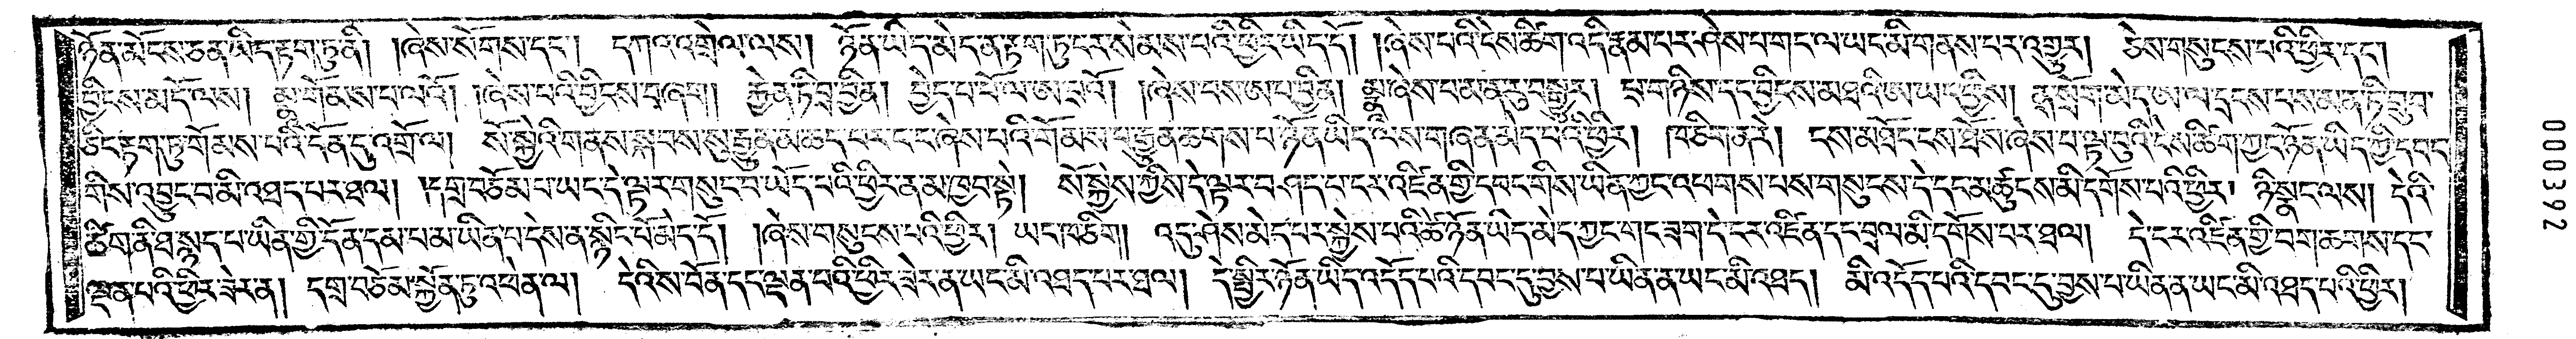ཉོན་མོངས་ཅན་ཡིད་རྟག་ཏུ་ནི། །ཞེས་སོགས་དང་། དཀའ་འགྲེལ་ལས། ཉོན་ཡིད་མེད་ན་རྟག་ཏུ་ངར་སེམས་པའི་ཕྱིར་ཡིད་དོ། །ཞེས་པའི་ངེས་ཚིག་འདི་རྣམ་པར་ཤེས་པ་གང་ལ་ཡང་མ?་ནས་པར་འགྱུར། ཅེས་གསུངས་པའི་ཕྱིར་དང་།
བྱིངས་མདོ་ལས། སྣ་གོམས་པ་ལའོ། །ཞེས་པའི་བྱིངས་བཞག། རྐྱེན་ཏི་བྲ་ཕྱིན། བྱེད་པ་པོ་ལ་ཨ་བའོ། །ཞེས་བས་ཨ་བ་བྱིན། མནཱ་ཞེས་པ་མནར་བསྒྱུར། པ་གཉིས་དང་དབྱིངས་མཐའི་ཨ་ཡད་ཕྱིས། ན་སྲོག་མེད་ཨ་ལ་དྲངས་པས་མན་ཏི་གྲུབ་
ཅིང་རྟག་ཏུ་གོམས་པའི་དོན་དུ་འགྲོ་ལ། སོ་སྐྱེའི་གནས་སྐབས་སུ་རྒྱུན་མཆད་པར་ངང་ཞེས་པའི་གོམས་པ་རྒྱུན་ཆགས་པ་ཉོན་ཡིད་ལས་གཞན་མེད་པའི་ཕྱིར། ཁ་ཅིག་ན་རེ། ངས་མཐོང་ངས་ཐོས་ཞེས་ཕ་ལྟ་བུའི་ངེས་ཚིག་ཀྱང་ཉོན་ཡིད་ཀྱི་དབང་
གིས་འབྱུང་བ་མི་འཐད་པར་ཐལ། །དགྲ་བཅོམ་པ་ཡང་དེ་ལྟར་གསུང་བ་ཡོད་པའི་ཕྱིར་ན་མ་ཁྱབ་སྟེ། སོ་སྐྱེས་ཀྱིས་དེ་ལྟར་བཤད་པ་ངར་འཛིན་གྱི་དགང་གིས་ཡིན་ཀྱང་འཕགས་བས་གསུངས་དེ་དང་མཚུངས་མི་དགོས་པའི་ཕྱིར། ཉི་སྣང་ལས། དེའི་
ཚིག་ནི་ཐ་སྙད་པ་ཡིན་གྱི་དོན་དམ་བ་མ་ཡིན་པ་དེས་ན་སྙིང་པོ་མེད་དོ། །ཞེས་གསུངས་པའི་ཕྱིར། ཡང་ཁ་ཅིག། འདུ་ཤེས་མེད་པར་སྐྱེས་པའི་ཚེ་ཉོན་ཡིད་མེད་ཀྱང་གང་ཟག་དེ་ངར་འཛིན་དང་བྲལ་མི་དགོས་པར་ཐལ། དེ་ངར་འཛིན་གྱི་བག་ཆགས་དང་
ལྡན་པའི་ཕྱིར་ཟེར་ན། དགྲ་བཅོམ་སྐྱོན་ཏུ་འཕེན་ལ། དེའི་ས་བོན་དང་ལྡན་པའི་ཕྱིར་ཟེར་ན་ཡང་མི་འཐད་པར་ཐལ། དེ་སྤྱིར་ཉོན་ཡིད་འདོད་བའི་དབང་དུ་བྱས་པ་ཡིན་ན་ཡང་མི་འཐད། མི་འདོད་པའི་དབང་དུ་བྱས་པ་ཡིན་ན་ཡང་མི་འཐད་པའི་ཕྱིར།